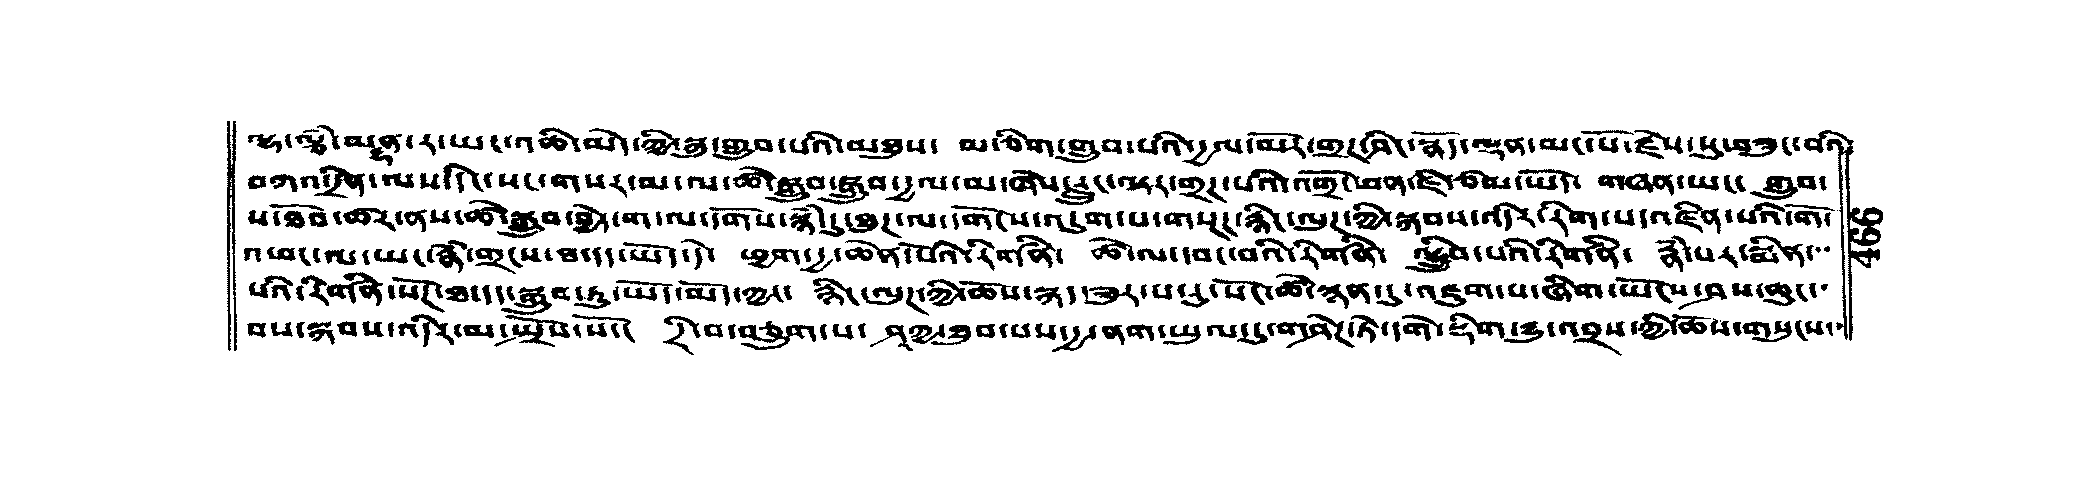ལྷ་ལྕམ་མནྡྷ་ར་ཡང་འཆི་མེད་ཀྱི་སྐུ་གྲུབ་པའི་མཐུས་མ་གཅིག་གྲུབ་པའི་རྒྱལ་མོར་གྲགས་ཤིང་སྣོད་ལྡན་མང་པོ་རྗེས་སུ་བཟུང་བའི་
བཀའ་དྲིན་ལས་དེང་སང་གསར་མ་ལ་ཚེ་སྒྲུབ་གྲུབ་རྒྱལ་མ་ཞེས་རླུང་ལྟར་གྲགས་པའི་འགྲོ་ཕན་ཇི་ཙམ་ཡོད། གཞན་ཡང་། གྲུབ་
པ་ཐོབ་ཚར་ནས་ཚེ་སྒྲུབ་བྱེད་ག་ལ་དགོས་སྙམ་དུ་ཐུགས་ལ་དགོངས་འདུག་པ་གསང་སྔགས་རྙིང་ལུགས་ཀྱི་སྐབས་འདིར་རིག་པ་འཛིན་པའི་གོ་
འཕང་ལ་ཡང་རྣམ་གྲངས་ཐ་དད་ཡོད་དེ། ཕྱག་རྒྱ་ཆེན་པོའི་རིག་འཛིན། ཚེ་ལ་དབང་བའི་རིག་འཛིན། ལྷུན་གྱིས་གྲུབ་པའི་རིག་འཛིན། རྣམ་པར་སྨིན་
པའི་རིག་འཛིན་སོགས་ཐ་དད་སྒྲུབ་ཏུ་ཡོད་མོད་ཀྱང་། རྙིང་ལུགས་ཀྱི་ཆོས་སྐད་ཟུར་པ་རུ་སོང་ཚེ་སྙན་དུ་འཇུག་པ་ཞིག་ཡོང་ཤས་ཆུང་
བས་སྐབས་འདིར་མ་སྤྲོས་སོ། དྲི་བ་བཅུ་དྲུག་པ། ཤཱཀྱ་ཐུབ་པས་རྒྱ་ནག་ཡུལ་དུ་གཤེགས་ཏེ་དགེ་སྡིག་རྒྱུ་འབྲས་ཀྱི་ཆོས་གསུང་